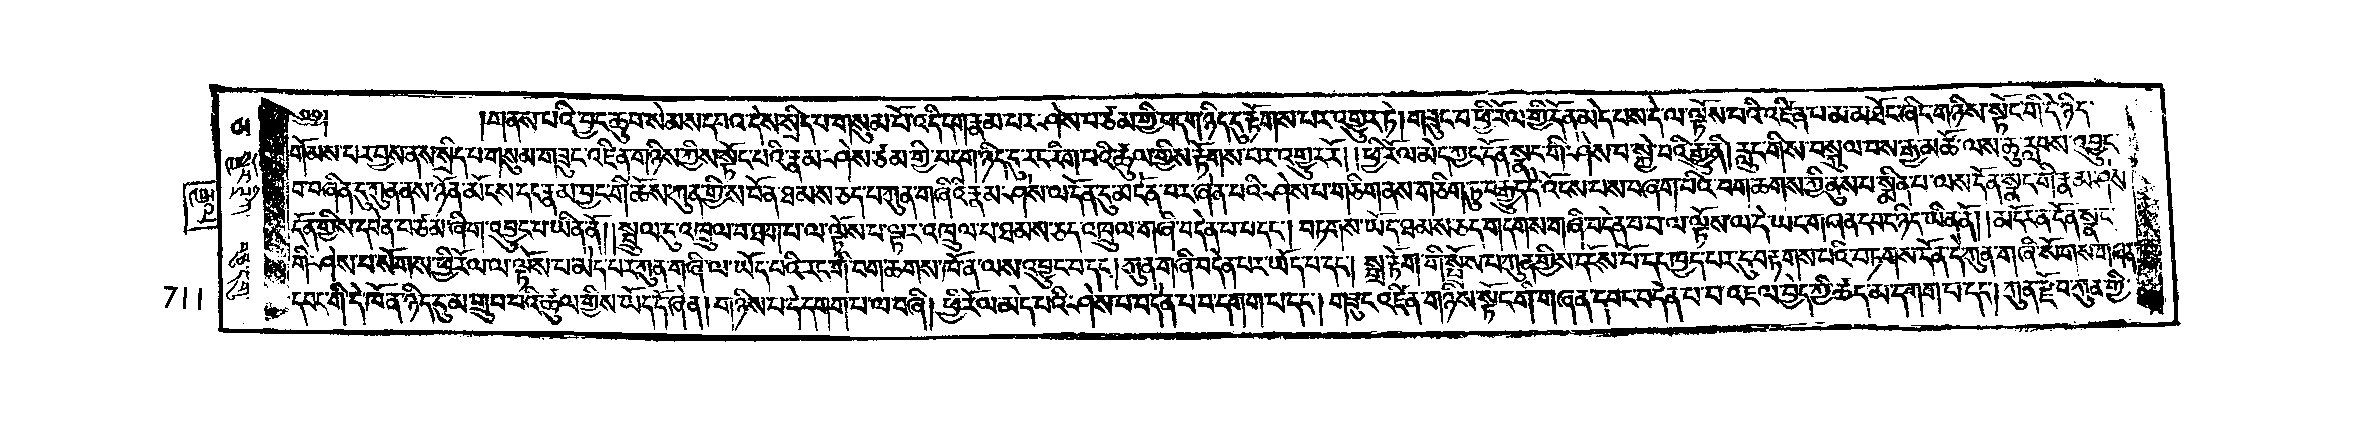༄༅། །གནས་པའི་བྱང་ཆུབ་སེམས་དཔའ་དེས་སྲིད་པ་གསུམ་པོ་འདི་དག་རྣམ་པར་ཤེས་པ་ཙམ་གྱི་བདག་ཉིད་དུ་རྟོགས་པར་འགྱུར་ཏེ། གཟུང་བ་ཕྱི་རོལ་གྱི་དོན་མེད་པས་དེ་ལ་ལྟོས་པའི་འཛིན་པ་མ་མཐོང་ཞིང་གཉིས་སྟོང་གི་དེ་ཉིད་
གོམས་པར་བྱས་ནས་སྲིད་པ་གསུམ་གཟུང་འཛིན་གཉིས་ཀྱིས་སྟོང་པའི་རྣམ་ཤེས་ཙམ་གྱི་བདག་ཉིད་དུ་རང་རིག་པའི་ཚུལ་གྱིས་རྟོགས་པར་འགྱུར་རོ། །ཕྱི་རོལ་མེད་ཀྱང་དོན་སྣང་གི་ཤེས་པ་སྐྱེ་བའི་རྒྱུ་ནི། རླུང་གིས་བསྐུལ་བས་རྒྱ་མཚོ་ལས་ཆུ་རླབས་འབྱུང་
བ་བཞིན་དུ་ཀུན་ནས་ཉོན་མོངས་དང་རྣམ་བྱང་གི་ཆོས་ཀུན་གྱི་ས་བོན་ཐམས་ཅད་པ་ཀུན་གཞིའི་རྣམ་ཤེས་ལ་དོན་དུ་མངོན་པར་ཞེན་པའི་ཤེས་པ་གཅིག་ཏུ་བརྒྱུད་དེ་འོངས་པས་བཞག་པའི་བག་ཆགས་ཀྱི་ནུས་པ་སྨིན་པ་ལས་དོན་སྣང་གི་རྣམ་ཤེས་
དོན་གྱིས་དབེན་པ་ཙམ་ཞིག་འབྱུང་པ་ཡིན་ནོ། །སྦྲུལ་དུ་འཁྲུལ་བ་ཐག་པ་ལ་ལྟོས་པ་ལྟར་འཁྲུལ་པ་ཐམས་ཅད་འཁྲུལ་གཞི་བདེན་པ་བ་དང་། བཏགས་ཡོད་ཐམས་ཅད་གདགས་གཞི་བདེན་པ་བ་ལ་ལྟོས་ལ་དེ་ཡང་གཞན་དབང་ཉིད་ཡིན་ནོ། །མདོར་ན་དོན་སྣང་
གི་ཤེས་པ་སོགས་ཕྱི་རོལ་ལ་ལྟོས་པ་མེད་པར་ཀུན་གཞི་ལ་ཡོད་པའི་རང་གི་བག་ཆགས་ཁོ་ན་ལས་འབྱུང་བ་དང་། ཀུན་གཞི་བདེན་པར་ཡོད་པ་དང་། སྒྲ་རྟོག་གི་སྤྲོས་པ་ཀུན་གྱིས་དངོས་པོ་དང་ཁྱད་པར་དུ་བརྟགས་པའི་བཏགས་དོན་དེ་ཀུན་གཞི་སོགས་གཞན་
དབང་གི་དེ་ཁོ་ན་ཉིད་དུ་མ་གྲུབ་པའི་ཚུལ་གྱིས་ཡོད་དོ་ཞེ་ན། གཉིས་པ་དེ་དགག་པ་ལ་བཞི། ཕྱི་རོལ་མེད་པའི་ཤེས་པ་བདེན་པ་བ་དགག་པ་དང་། གཟུང་འཛིན་གཉིས་སྟོང་གི་གཞན་དབང་བདེན་པ་བ་འཇལ་བྱེད་ཀྱི་ཚད་མ་དགག་པ་དང་། ཀུན་རྫོབ་ཀུན་གྱི་